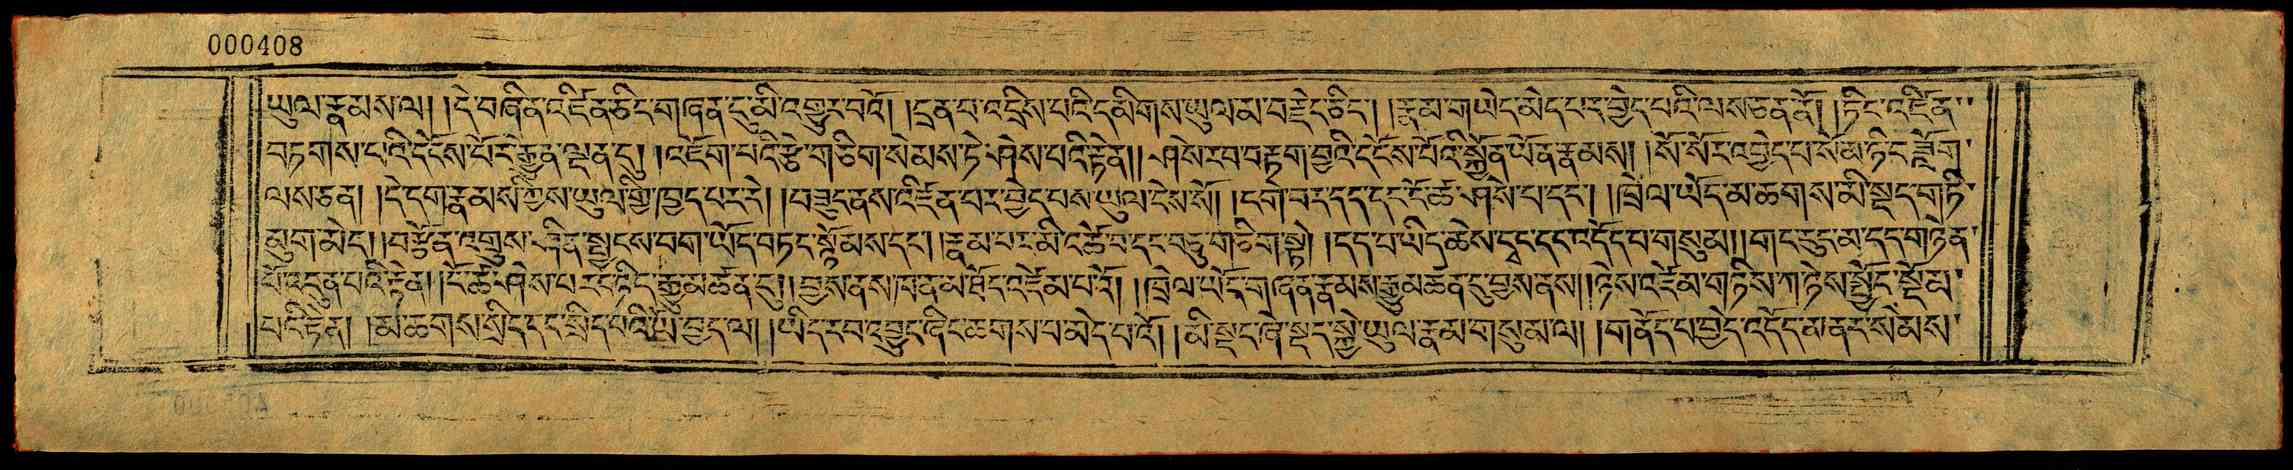ཡུལ་རྣམས་ལ། །དེ་བཞིན་འཛིན་ཅིང་གཞན་དུ་མི་འབྱུང་བའོ། །དྲན་པ་འདྲིས་པའི་དམིགས་ཡུལ་མ་བརྗེད་ཅིང་། །རྣམ་གཡེང་མེད་པར་བྱེད་པའི་ལས་ཅན་ནོ། །ཏིང་འཛིན་
བཏགས་པའི་དངོས་པོར་རྒྱུན་ལྡན་དུ། །འཇོག་པའི་རྩེ་གཅིག་སེམས་ཏེ་ཤེས་པའི་རྟེན། །ཤེས་རབ་བརྟག་བྱའི་དངོས་པོའི་སྐྱོན་ཡོན་རྣམས། །སོ་སོར་འབྱེད་པ་སོམ་ཉི་བཟློག་
ལས་ཅན། །དེ་དག་རྣམས་ཀྱིས་ཡུལ་གྱི་ཁྱད་པར་དེ། །བཟུང་ནས་འཛིན་པར་བྱེད་པས་ཡུལ་ངེས་སོ། །དགེ་བར་དད་དང་ངོ་ཚ་ཤེས་པ་དང་། །ཁྲེལ་ཡོད་མ་ཆགས་མི་སྡང་གཏི་
མུག་མེད། །བརྩོན་འགྲུས་ཤིན་སྦྱངས་བག་ཡོད་བཏང་སྙོམས་དང་། །རྣམ་པར་མི་འཚེབ་དང་བཅུ་གཅིག་སྟེ། །དད་པ་ཡིད་ཆེས་དྭང་དང་འདོད་པ་གསུམ། །གང་རུང་མ་དང་གཉེན་
པོ་འདུན་པའི་རྟེན། །ངོ་ཚ་ཤེས་པ་རང་ཉིད་རྒྱུ་མཚན་དུ། །བྱས་ནས་ཁ་ན་མ་ཐོབ་འཛེམ་པའོ། །ཁྲེལ་ཡོད་གཞན་རྣམས་རྒྱུ་མཚན་དུ་བྱས་ནས། །ཉེས་འཛེམ་གཉིས་ཀ་ཉེས་སྤྱོད་སྡོམ་
པའི་རྟེན། །མ་ཆགས་སྲིད་དང་སྲིད་པའི་ཡ་བྱད་ལ། །ཡིད་རབ་འབྱུང་ཞིང་ཆགས་པ་མེད་པའོ། །མི་སྡང་ཞེ་སྡང་སྐྱེ་ཡུལ་རྣམ་གསུམ་ལ། །གནོད་པ་བྱེད་འདོད་མནར་སེམས་